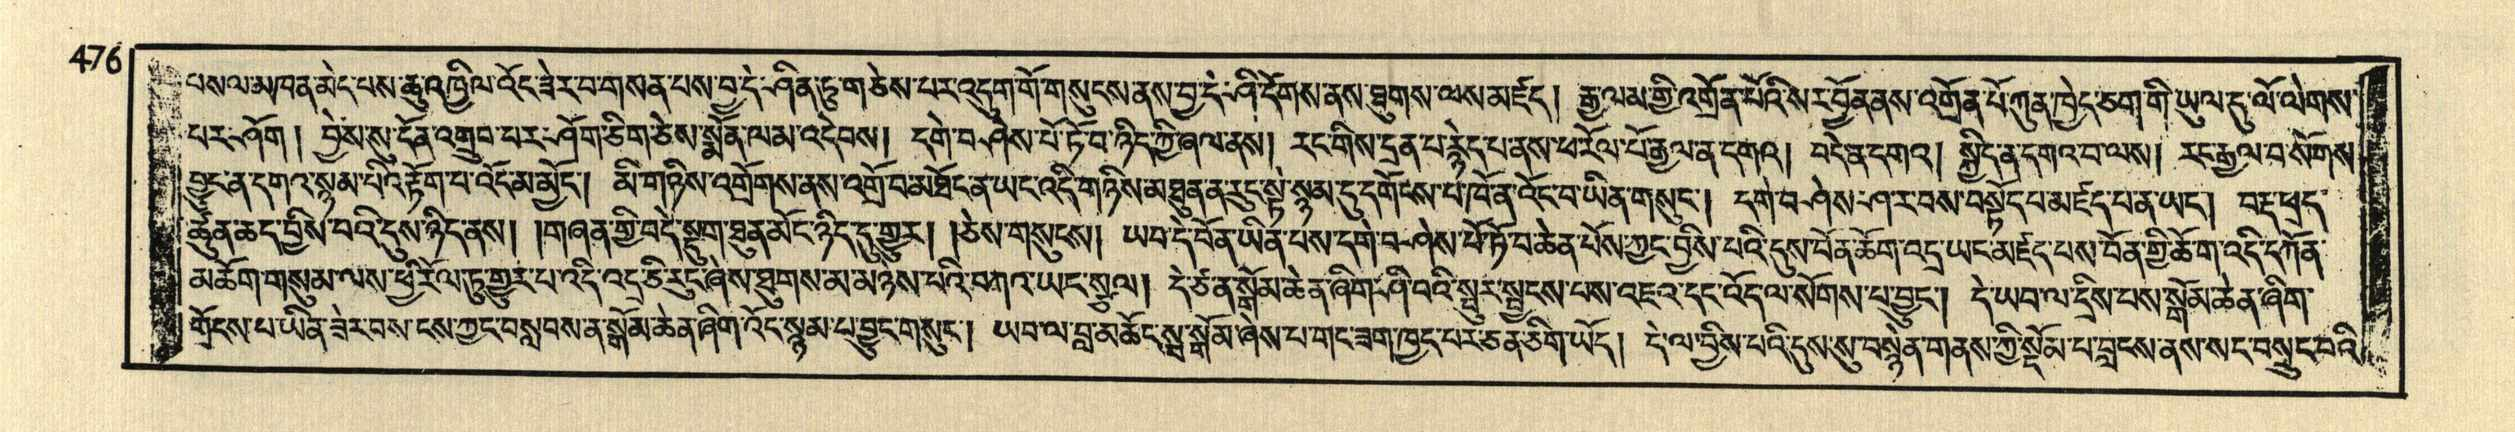པས་ལ་མཁན་མེད་པས་ཆུ་འཁྱིལ་འོད་ཟེར་བ་གསན་པས་བྱ་དེ་ཤིན་ཏུ་གཅེས་པར་འདུག་གོ་གསུངས་ནས་བྱ་དེ་ཤི་དོགས་ནས་ཐུགས་ལས་མཛད། རྒྱ་ལམ་གྱི་འགྲོན་པོའི་སར་བྱོན་ནས་འགྲོན་པོ་ཀུན་ཁྱེད་ཅག་གི་ཡུལ་དུ་ལོ་ལེགས་
པར་ཤོག །བྱེས་སུ་དོན་འགྲུབ་པར་ཤོག་ཅིག་ཅེས་སྨོན་ལམ་འདེབས། དགེ་བཤེས་པོ་ཏོ་བ་ཉིད་ཀྱི་ཞལ་ནས། རང་གིས་དྲན་པ་རྙེད་པ་ནས་ཕ་རོལ་པོ་རྒྱལ་ན་དགའ། བདེ་ན་དགའ། སྐྱིད་ན་དགའ་བ་ལས། རང་རྒྱལ་བ་སོགས་
བྱུང་ན་དགའ་སྙམ་པའི་རྟོག་པ་འོང་མ་མྱོང་། མི་གཉིས་འགྲོགས་ནས་འགྲོ་བ་མཐོང་ན་ཡང་འདི་གཉིས་མཐུན་ན་རུང་སྟེ་སྙམ་དུ་དགོངས་པ་ཁོ་ན་འོང་བ་ཡིན་གསུང་། དགེ་བཤེས་ཤ་ར་བས་བསྟོད་པ་མཛད་པ་ན་ཡང་། བརྡ་ཕྲད་
ཚུན་ཆད་བྱིས་པའི་དུས་ཉིད་ནས། །གཞན་གྱི་བདེ་སྡུག་ཐུན་མོང་ཉིད་དུ་གྱུར། །ཅེས་གསུངས། ཡབ་དེ་བོན་ཡིན་པས་དགེ་བཤེས་པོ་ཏོ་པ་ཆེན་པོས་ཀྱང་བྱིས་པའི་དུས་བོན་ཆོག་འདྲ་ཡང་མཛད་པས་བོན་གྱི་ཆོ་ག་འདི་དཀོན་
མཆོག་གསུམ་ལས་ཕྱི་རོལ་ཏུ་གྱུར་པ་འདི་འདྲ་ཅི་རུང་ཞེས་ཐུགས་མ་མཉེས་པའི་བཀའ་ཡང་སྩལ། དེ་ཙ་ན་སྒོམ་ཆེན་ཞིག་ཤི་བའི་སྦུར་སྦྱངས་པས་འཇའ་དང་འོད་ལ་སོགས་པ་བྱུང་། དེ་ཡབ་ལ་དྲིས་པས་སྒོམ་ཆེན་ཞིག་
གྲོངས་པ་ཡིན་ཟེར་བས་ངས་ཀྱང་བསླབས་ན་སྒོམ་ཆེན་ཞིག་འོད་སྙམ་པ་བྱུང་གསུང་། ཡབ་ལ་བླ་མཆོང་སྦ་སྒོམ་ཞེས་པ་གང་ཟག་ཁྱད་པར་ཅན་ཅིག་ཡོད། དེ་ལ་བྱིས་པའི་དུས་སུ་བསྙེན་གནས་ཀྱི་སྡོམ་པ་བླངས་ནས་སང་བསྲུང་བའི་